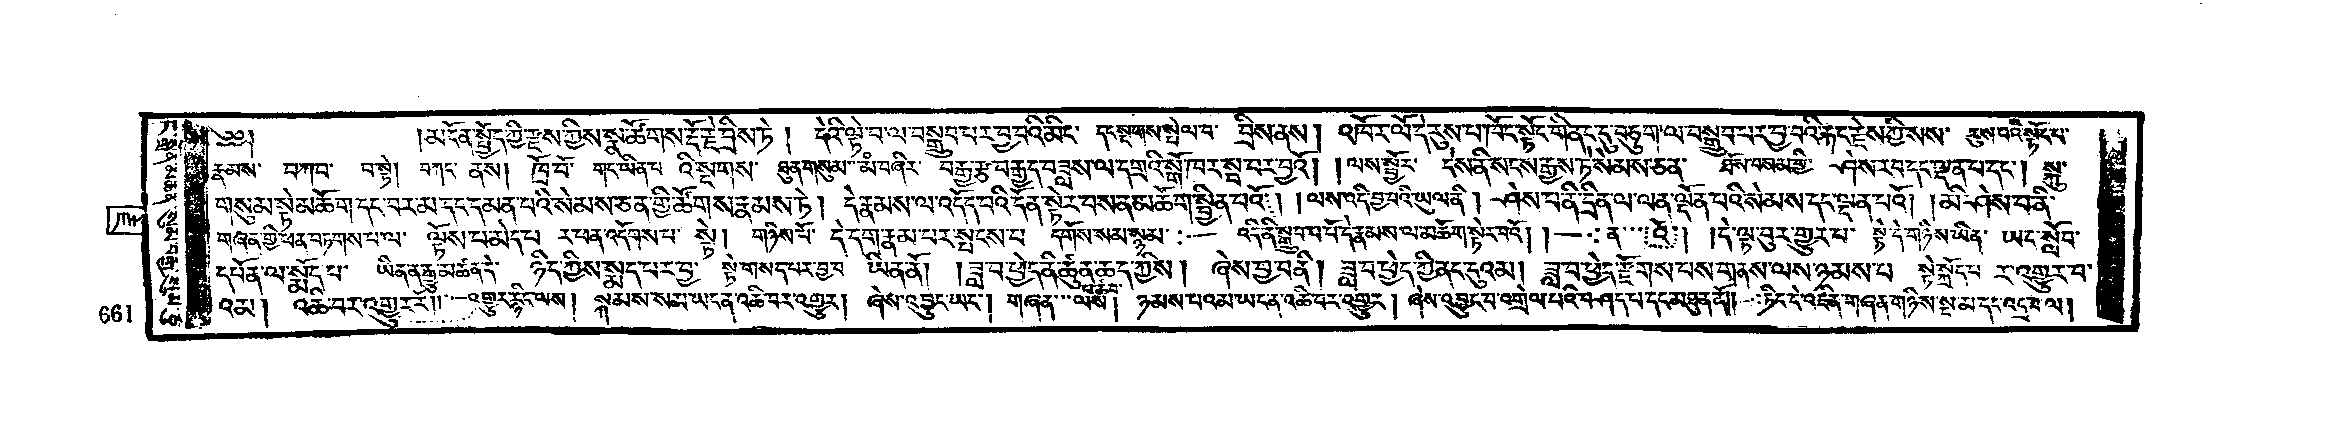༄༅། །མངོན་སྤྱོད་ཀྱི་རྫས་ཀྱིས་སྣ་ཚོགས་རྡོ་རྗེ་བྲིས་ཏེ། དེའི་ལྟེ་བ་ལ་བསྒྲུབ་པར་བྱ་བའི་མིང་དང་སྔགས་སྤེལ་བ་བྲིས་ནས། འཁོར་ལོ་དེ་རུས་པ་ཁོང་སྟོང་གི་ནང་དུ་བཅུག་ལ་བསྒྲུབ་པར་བྱ་བའི་རྐང་རྗེས་ཀྱི་སས་རུས་པའི་སྟོང་པ་
རྣམས་བཀབ་པ་སྟེ། བཀང་ནས། ཁྲོ་བོ་གང་ཡིན་པའི་སྔགས་ཐུན་གསུམ་མཾ་བཞིར་བརྒྱ་རྩ་བརྒྱད་བཟླས་ལ་དགྲའི་སྒོ་ཁར་སྦ་བར་བྱའོ། །ལས་སྦྱོར་དེས་ནི་སངས་རྒྱས་ཏེ་སེམས་ཅན་ཐོས་སམ་གྱི་ཤེས་རབ་དང་དླན་པ་དང་། སྐུ་
གསུམ་སྟེ་མཆོག་དང་བར་མ་དང་དམན་པའི་སེམས་ཅན་གྱི་ཚོགས་རྣམས་ཏེ། དེ་རྣམས་ལ་འདོད་པའི་དོན་སྟེར་བས་ན་མཆོག་སྦྱིན་པའོ། ། ལས་འདི་བྱ་བའི་ཡུལ་ནི། ཤེས་པ་ནི་དྲིན་ལ་ལན་ལྡོན་པའི་སེམས་དང་ལྡན་པའོ། །མི་ཤེས་པ་ནི་
གཞན་གྱི་ཕན་བཏགས་པ་ལ་ཏློས་པ་མེད་པ་ར་ཕན་འདོགས་པ་སྟེ། གཉིས་པོ་དེ་དག་རྣམ་པར་སྤངས་པ་དགོས་སམ་སྙམཿ་འདི་ནི་སྒྲུབ་པ་པོ་དེ་རྣམས་ལ་མཆོག་སྟེར་པའོ། །.Hནའོ། །དེ་ལྟ་བུར་གྱུར་པ་སྟེ་དེ་གཉིས་ཡིན་ཡང་སློབ་
དཔོན་ལ་སྨོད་པ་ཡིན་ན་རྒྱུ་མཚྣ་དེ་ཉིད་ཀྱིས་སྨད་པར་བྱ་སྟེ་གསད་པར་བྱ་བ་ཡིན་ནོ། །ཟླ་བ་ཕྱེད་ནི་ཚུན་ཆད་ཀྱིས། ཞེས་བྱ་བ་ནི་ཟླ་བ་ཕྱེད་ཀྱི་ནང་དུའམ། ཟླ་བ་ཕྱེད་རྡོཟགས་པས་གནས་ལས་ཉམས་པ་སྟེ་སྐྲོད་པར་འགྱུར་བ་
འམ། འཆི་བར་འགྱུར་རོ།། འགྱུར་རྙིང་ལས། སྐམས་སམ་ཡང་ན་འཆི་བར་འགྱུར། ཞེས་འབྱུང་ཡང་། གཞན་ལས། ཉམས་པའམ་ཡང་ཨན་འཆི་བར་འགྱུར། ཞེས་འབྱུང་བ་འགྲེལ་པའི་བཤད་པ་དང་མཐུན་ནོ།།.Hཏིང་ངེ་འཛིན་གཞན་གཉིས་སྔ་མ་དང་འདྲ་བ་ལ།